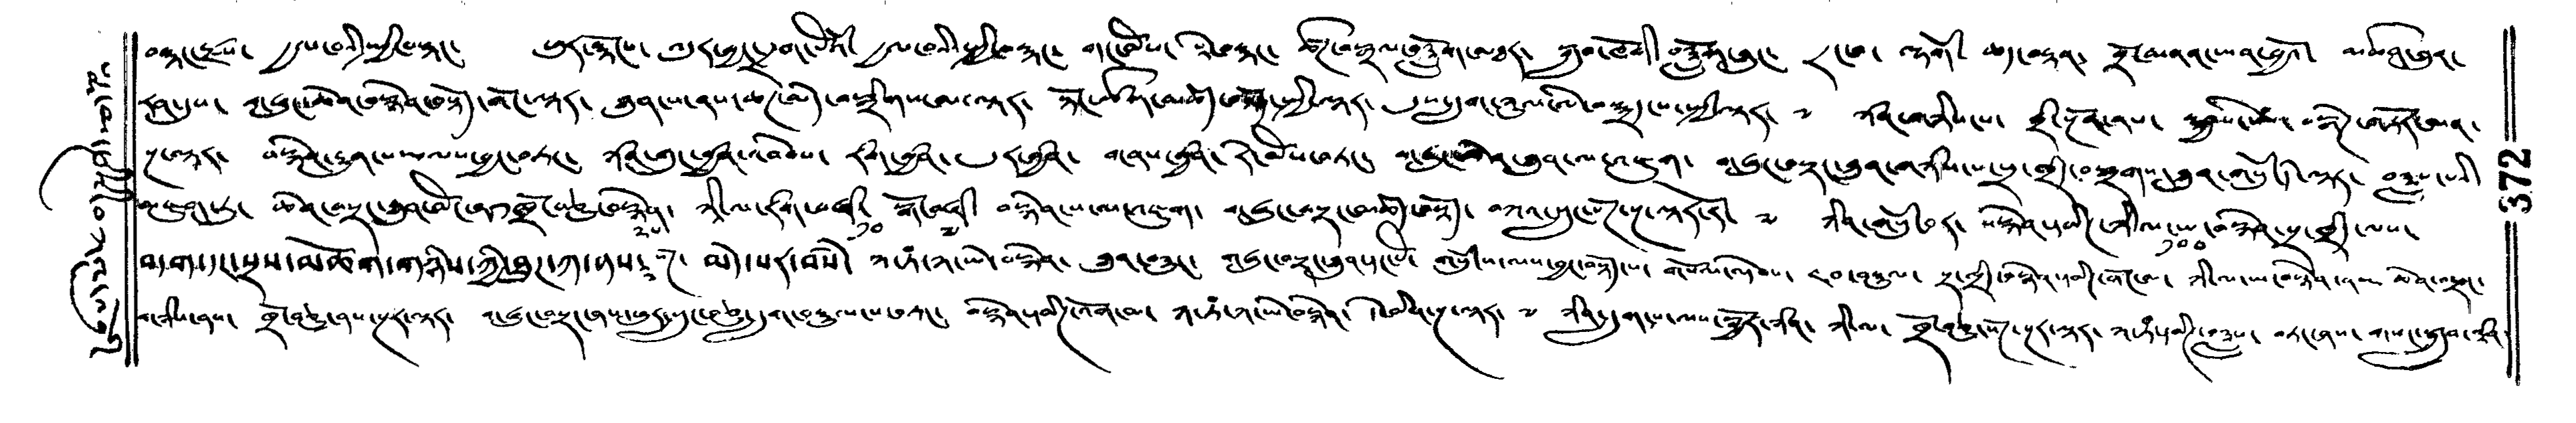བསྐང་རྫས། རྒྱལ་བའི་སྤྱི་བསྐང་། ཕུད་སྐོང་། འདུར་བྱང་དྲག་པོའམ། རྒྱལ་བའི་སྤྱི་བསྐང་གང་མོས། སྡེ་བསྐང་། ཚོགས་སྒྲལ་ཟློག་མཐར། སྒྲུབ་ཁོག་གི་བཟློག་ཐུང་། དྲང་བ། ལྷག་མ། ཆད་བརྟན། བྲོ་མནན་ཡན་བྱའོ། མཚན་ཐུན་
རན་དུས། གཞུང་ཆེན་བསྙེན་བསྟོད་གོང་ལྟར། ཐུན་པ་ནས་ཆགས་མེད་བསྒྲིགས་མ་ལྟར་སྟོང་ཚིག་མཆོད་བསྟོད་སྤྱི་ལྟར། དུས་དྲུག་ཉུལ་ལེ་བསྐྲད་པ་སྤྱི་ལྟར། ༈ ཉིན་གཉིས་པ། ཧྲཱིཿསྔོན༴ ནས། སྐྱབས་སེམས་བགེགས་གཏོར་མན་
སྔར་ལྟར། བསྙེན་རྒྱུན་པས་ལས་བྱང་བཏང་། ཉིན་གུང་བྱིན་འབེབས། རིག་བྱིན། དུར་བྱིན། གནས་བྱིན་བཅས་རེ་མོས་བཏང་། གཞུང་ཆེན་ཐུན་ལ་འཇུག གཞུང་བསྲང་ཐུན་གཉིས་པ་པྲ་ཁྲིད་བསྒྲགས་ཐུན་གསུམ་དེ་ལྟར། བཟླས་པའི་
མཇུག་ཏུ། བསྙེན་བསྲང་ཐུན་མོང་ནས་ཁྲོ་བཅུ་བསྙེན། ཀཱི་ལ་རིགས་བཞི། སྒོ་བཞི། བསྙེན་པ་ལ་འཇུག གཞུང་བསྲང་མཆོད་བསྟོད། བཀའ་སྲུང་སོགས་སྔར་ལྟར་རོ། ༈ ཉིན་གསུམ་བར་བསྙེན་དམིགས་ཀི་ལ་ཡ་བསྙེན། པྲ་ཁྲིད་ལས། 
བདག་དང་སྲས་མཆོག་གཉིས་ཀྱི་ཐུགས་ཀ་ནས༴ སོགས། མེད་པར་བསམ། ཀ་ཏཾ་ཀ་ཡེ༴ བསྙེན། ཐུན་བཟུང་། གཞུང་བསྲང་ཐུན་དང་པོ། གསུམ་པ་ལས་བྱང་བསྟོད་པ། གསོལ་འདེབས། ཇབ་བསྐུལ། པྲ་ཁྲིད་བསྙེན་དམིགས་གོང་ལ། ཀི་ལ་ཡ་བསྙེན་ནས་བསྙེན་བསྲང་
གཉིས་ནས། ཁྲོ་བཅུ་ནས་སྔར་ལྟར། གཞུང་བསྲང་ནས་ཕུར་སྲུང་བཅུ་དྲུག་བསྐུལ་པ་བཏང་། བསྙེན་དམིགས་འོག་མ། ཀ་ཏཾ་ཀ་ཡེ༴ བསྙེན། དེ་མིན་སྔ་ལྟར། ༈ ཉིན་དྲུག་པ་ལས་སྦྱོར་ཉིན། ཀི་ལ། ཁྲོ་བཅུ་སོགས་སྔར་ལྟར་ཀ་ཏཾ་དམིགས་བཟླས་བཏང་ནས། གསང་སྒྲུབ་ཟིན་